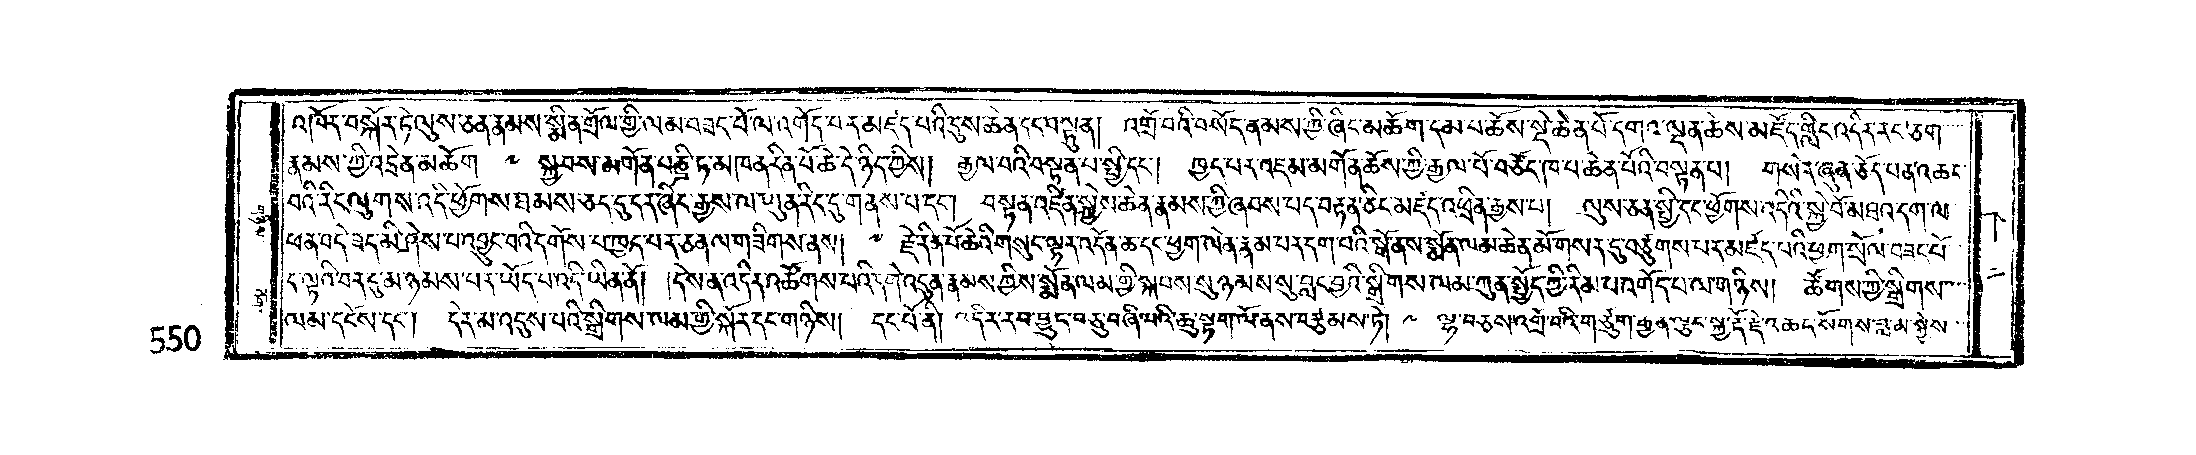འཁོར་བསྐོར་ཏེ་ལུས་ཅན་རྣམས་སྨིན་གྲོལ་གྱི་ལམ་བཟང་པོ་ལ་འགོད་པར་མཛད་པའི་དུས་ཆེན་དང་བསྟུན། འགྲོ་བའི་བསོད་ནམས་ཀྱི་ཞིང་མཆོག་དམ་པ་ཆོས་སྡེ་ཆེན་པོ་དགའ་ལྡན་ཆེས་མཛོད་གླིང་འདིར་རང་ཅག་
རྣམས་ཀྱི་འདྲེན་མཆོག ༧་སྐྱབས་མགོན་པཎྜི་ཏ་མཁན་རིན་པོ་ཆེ་དེ་ཉིད་ཀྱིས། རྒྱལ་བའི་བསྟན་པ་སྤྱི་དང་། ཁྱད་པར་འཇམ་མགོན་ཆོས་ཀྱི་རྒྱལ་པོ་བཙོང་ཁ་པ་ཆེན་པོའི་བསྟན་པ། གསེར་ཞུན་ཅོད་པན་འཆང་
བའི་རིང་ལུགས་འདི་ཕྱོགས་ཐམས་ཅད་དུ་དར་ཞིང་རྒྱས་ལ་ཡུན་རིང་དུ་གནས་པ་དང་། བསྟན་འཛིན་སྐྱེས་ཆེན་རྣམས་ཀྱི་ཞབས་པད་བརྟན་ཅིང་མཛད་འཕྲིན་རྒྱས་པ། ལུས་ཅན་སྤྱི་དང་ཕྱོགས་འདིའི་སྐྱེ་བོ་མཐའ་དག་ལ་
ཕན་བདེ་ཟད་མི་ཤེས་པ་འབྱུང་བའི་དགོས་པ་ཁྱད་པར་ཅན་ལ་གཟིགས་ནས། ༧་རྗེ་རིན་པོ་ཆེའི་གསུང་ལྟར་འདོན་ཆ་དང་ཕྱག་ལེན་རྣམ་པར་དག་པའི་སྒོ་ནས་སྨོན་ལམ་ཆེན་མོ་གསར་དུ་བཙུགས་པར་མཛད་པའི་ཕྱག་སྲོལ་བཟང་པོ་
ད་ལྟའི་བར་དུ་མ་ཉམས་པར་ཡོད་པ་འདི་ཡིན་ནོ། །དེས་ན་འདིར་འཚོགས་པའི་དགེ་འདུན་རྣམས་ཀྱིས་སྨོན་ལམ་གྱི་སྐབས་སུ་ཉམས་སུ་བླང་བྱའི་སྒྲིགས་ལམ་ཀུན་སྤྱོད་ཀྱི་རིམ་པ་འགོད་པ་ལ་གཉིས། ཚོགས་ཀྱི་སྒྲིགས་
ལམ་དངོས་དང་། དེར་མ་འདུས་པའི་སྒྲིགས་ལམ་གྱི་སྐོར་དང་གཉིས། དང་པོ་ནི། འདིར་རབ་བྱུང་བཅུ་བཞི་པའི་ཆུ་སྟག་ལོ་ནས་བརྩམས་ཏེ། ༧་ལྷ་བཅས་འགྲོ་བའི་གཙུག་རྒྱན་ལྕང་སྐྱ་རྡོ་རྗེ་འཆང་སོགས་བླ་མ་སྐྱེས་